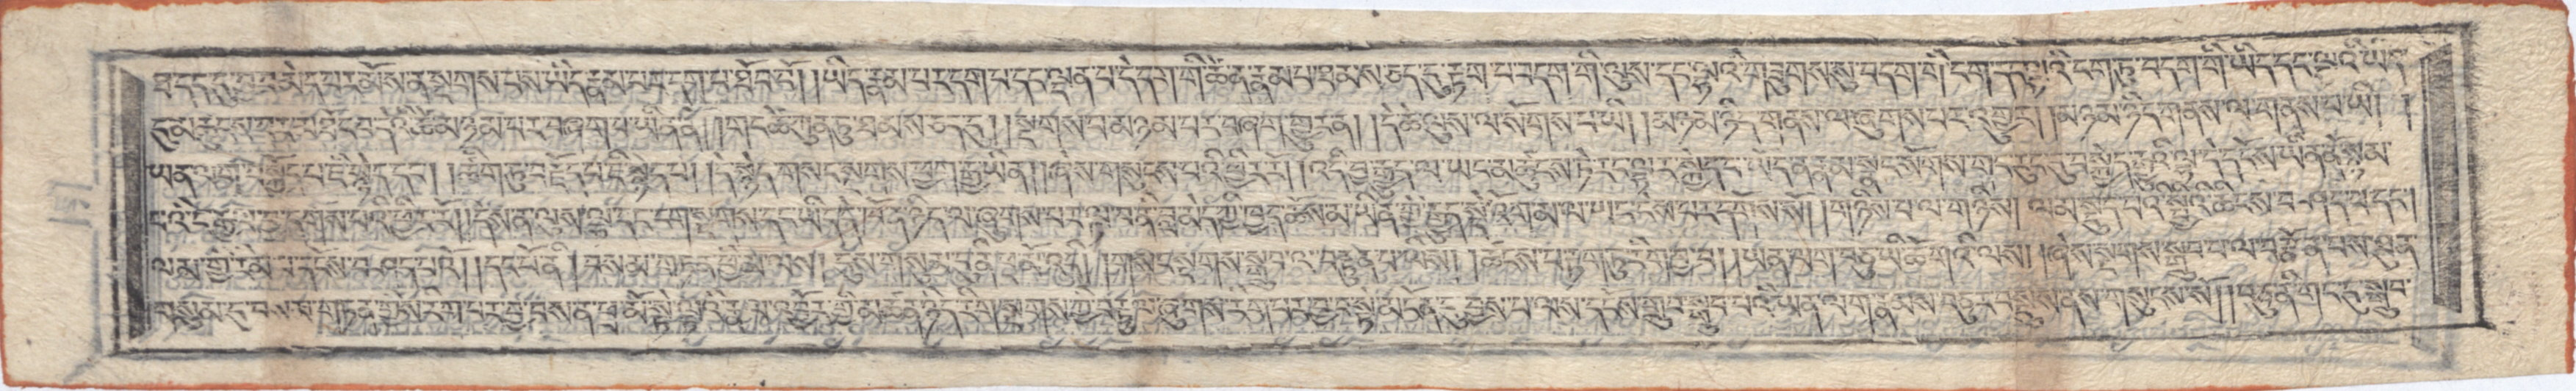ཐ་དད་དུ་བྱ་བ་མེད་པར་མོས་ན་སྔགས་པས་ཡིད་རྣམ་པར་དག་པ་ཐོབ་བོ། །ཡིད་རྣམ་པར་དག་པ་དང་ལྡན་པ་དེ་དག་གི་ཚེ་ན་རྣམ་པ་ཐམས་ཅད་དུ་རྟག་པ་བདག་གི་ལུས་དང་ལྷའི་གཟུགས་སུ་བདག་གི་ངག་དང་ལྷའི་ངག་ཏུ་བདག་གི་ཡིད་དང་ལྷའི་ཡིད་
དུ་མཚུངས་པར་མཐོང་བ་དེའི་ཚེ་མཉམ་པར་བཞག་པ་ཡིན་ནོ། །གང་ཚེ་ཀུན་ཏུ་ཐམས་ཅད་དུ། །སྔགས་པ་མཉམ་པར་བཞག་གྱུར་ན། །དེ་ཆེ་ལུས་ལ་སོགས་པ་ཡི། །མཉམ་ཉིད་གནས་ལ་ཞུགས་པར་འགྱུར། །མཉམ་ཉིད་གནས་ལ་གནས་པ་ཡི། །
ཡན་ལག་བསྐྱོད་པ་ཇི་སྙེད་དང་། །ཚིག་ཏུ་བརྗོད་པ་ཇི་སྙེད་པ། །དེ་སྙེད་གསང་སྔགས་ཕྱག་རྒྱ་ཡིན། །ཞེས་གསུངས་པའི་ཕྱིར་རོ། །འདི་བྱ་རྒྱུད་ལ་ཡང་མཚུངས་ཏེ་རང་ལྷར་སྐྱེད་པ་ཡོད་ན་རྣམ་སྣང་སོགས་གང་རུང་དུ་བསྐྱེད་རྒྱུའི་ལྷ་དེ་དངོས་ཡིན་ནོ་སྙམ་
པའི་ང་རྒྱལ་བྱ་དགོས་པའི་ཕྱིར་རོ། །དེས་ན་ལུས་ལྷ་དང་ངག་སྔགས་དང་ཡིད་དེ་ཁོ་ན་ཉིད་ལ་ཞུགས་པར་ལྟ་བ་ནི་བླ་མེད་ཀྱི་ཁྱད་ཆོས་མ་ཡིན་གྱི་རྒྱུད་སྡེ་འོག་མ་ལ་ཡང་ངེས་པར་དགོས་སོ། །གཉིས་པ་ལ་གཉིས། ལམ་སྡུད་པའི་སྤྱིའི་ཆིངས་བཤད་པ་དང་།
ལམ་གྱི་རིམ་པ་དངོས་བཤད་པའོ། །དང་པོ་ནི། བསམ་གཏན་ཕྱི་མ་ལས། དུས་གསུམ་དུ་ནི་ཕྲ་མོ་འདི། །གསང་སྔགས་སྒྲུབ་ལ་བརྟུན་པ་ཡིས། །ཚངས་པ་རྟག་ཏུ་རིག་བྱ་བ། །ཡན་ལག་བཅུ་ཡི་ཆོ་གའི་ལས། །ཞེས་སྔགས་སྒྲུབ་པ་ལ་བརྩོན་པས་ཐུན་
གསུམ་དུ་བསམ་གཏན་གྱིས་རིག་པར་བྱ་བས་ན་ཕྲ་མོ་སྟེ་ལྷའི་རྣལ་འབྱོར་གྱི་མཚན་ཉིད་རིག་སྔགས་ཀྱི་བརྟུལ་ཞུགས་རིག་པར་བྱ་བ་སྟེ་མངོན་དུ་བྱས་པ་ལས་དངོས་གྲུབ་སྒྲུབ་པའི་ཡན་ལག་རྣམས་བཅུར་བསྡུས་ནས་གསུངས་སོ། །བཅུ་ནི་གང་དུ་སྒྲུབ་